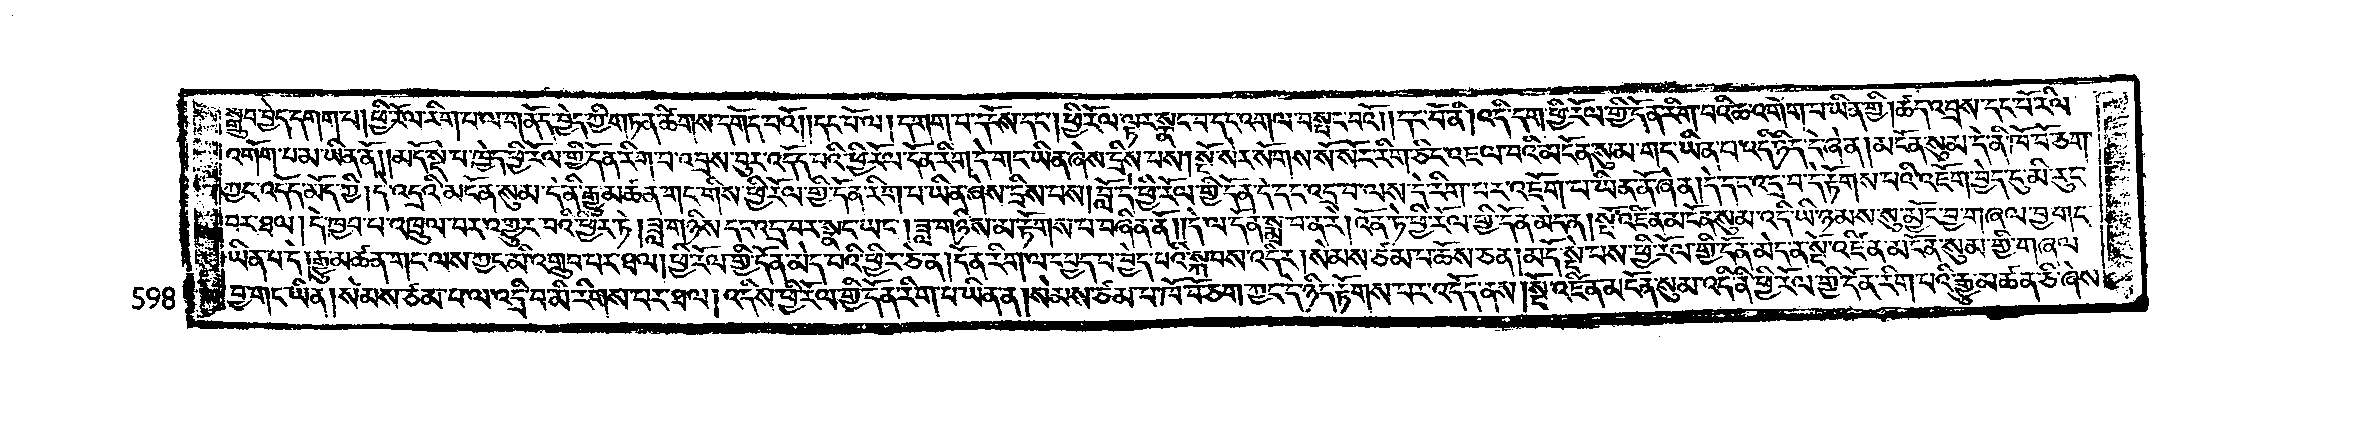སྒྲུབ་བྱེད་དགག་པ། ཕྱི་རོལ་རིག་པ་ལ་གནོད་བྱེད་ཀྱི་གཏན་ཚིགས་དགོད་པའོ། །དང་པོ་ལ། དགག་པ་དངོས་དང་། ཕྱི་རོལ་ལྟར་སྣང་བ་དང་འགལ་བ་སྤང་བའོ། །དང་པོ་ནི། འདི་དག་ཕྱི་རོལ་གྱི་དོན་རིག་པའི་ཆ་འགོག་པ་ཡིན་གྱི། ཚད་འབྲས་དང་པོ་རིལ་
འགོག་པ་མ་ཡིན་ནོ། །མདོ་སྡེ་པ་ཁྱེད་ཕྱི་རོལ་གྱི་དོན་རིག་པ་འབྲས་བུར་འདོད་པའི་ཕྱི་རོལ་དོན་རིག་དེ་གང་ཡིན་ཞེས་དྲིས་པས། སྔོ་སེར་སོགས་སོ་སོར་རིག་ཅིང་འཇལ་བའི་མངོན་སུམ་གང་ཡིན་པ་འདི་ཉིད་དེ་ཞེ་ན། མངོན་སུམ་དེ་ནི་ཁོ་བོ་ཅག་
ཀྱང་འདོད་མོད་ཀྱི། དེ་འདྲའི་མངོན་སུམ་དེ་ནི་རྒྱུ་མཚན་གང་གིས་ཕྱི་རོལ་གྱི་དོན་རིག་པ་ཡིན་ཞེས་དྲིས་པས། བློ་དེ་ཕྱི་རོལ་གྱི་དོན་དེ་དང་འདྲ་བ་ལས་དེ་རིག་པར་འཇོག་པ་ཡིན་ནོ་ཞེན། དེ་དང་འདྲ་བ་དེ་རྟོགས་པའི་འཇོག་བྱེད་དུ་མི་རུང་
བར་ཐལ། དེ་ཁྱབ་པ་འཁྲུལ་བར་འགྱུར་བའི་ཕྱིར་ཏེ། ཟླ་གཉིས་དང་འདྲ་བར་སྣང་ཡང་། ཟླ་གཉིས་མ་རྟོགས་པ་བཞིན་ནོ། །དེ་ལ་དོན་སྨྲ་བ་ན་རེ། འོན་ཏེ་ཕྱི་རོལ་གྱི་དོན་མེད་ན། སྔོ་འཛིན་མངོན་སུམ་འདི་ཡི་ཉམས་སུ་མྱོང་བྱ་གཞལ་བྱ་གང་
ཡིན་པ་དེ།རྒྱུ་མཚན་གང་ལས་ཀྱང་མི་འགྲུབ་པར་ཐལ། ཕྱི་རོལ་གྱི་དོན་མེད་པའི་ཕྱིར་ཅེ་ན། དོན་རིག་ལ་དཔྱད་པ་བྱེད་པའི་སྐབས་འདིར། སེམས་ཙམ་པ་ཆོས་ཅན། མདོ་སྡེ་པས་ཕྱི་རོལ་གྱི་དོན་མེད་ན་སྔོ་འཛིན་མངོན་སུམ་གྱི་གཞལ་
བྱ་གང་ཡིན། སེམས་ཙམ་པ་ལ་འདྲི་བ་མི་རིགས་པར་ཐལ། འདིས་ཕྱིར་རོལ་གྱི་དོན་རིག་པ་ཡིན་ན། སེམས་ཙམ་པ་ཁོ་བོ་ཅག་ཀྱང་དེ་ཉིད་རྟོགས་པར་འདོད་ནས། སྔོ་འཛིན་མངོན་སུམ་འདི་ནི་ཕྱི་རོལ་གྱི་དོན་རིག་པའི་རྒྱུ་མཚན་ཅི་ཞེས་